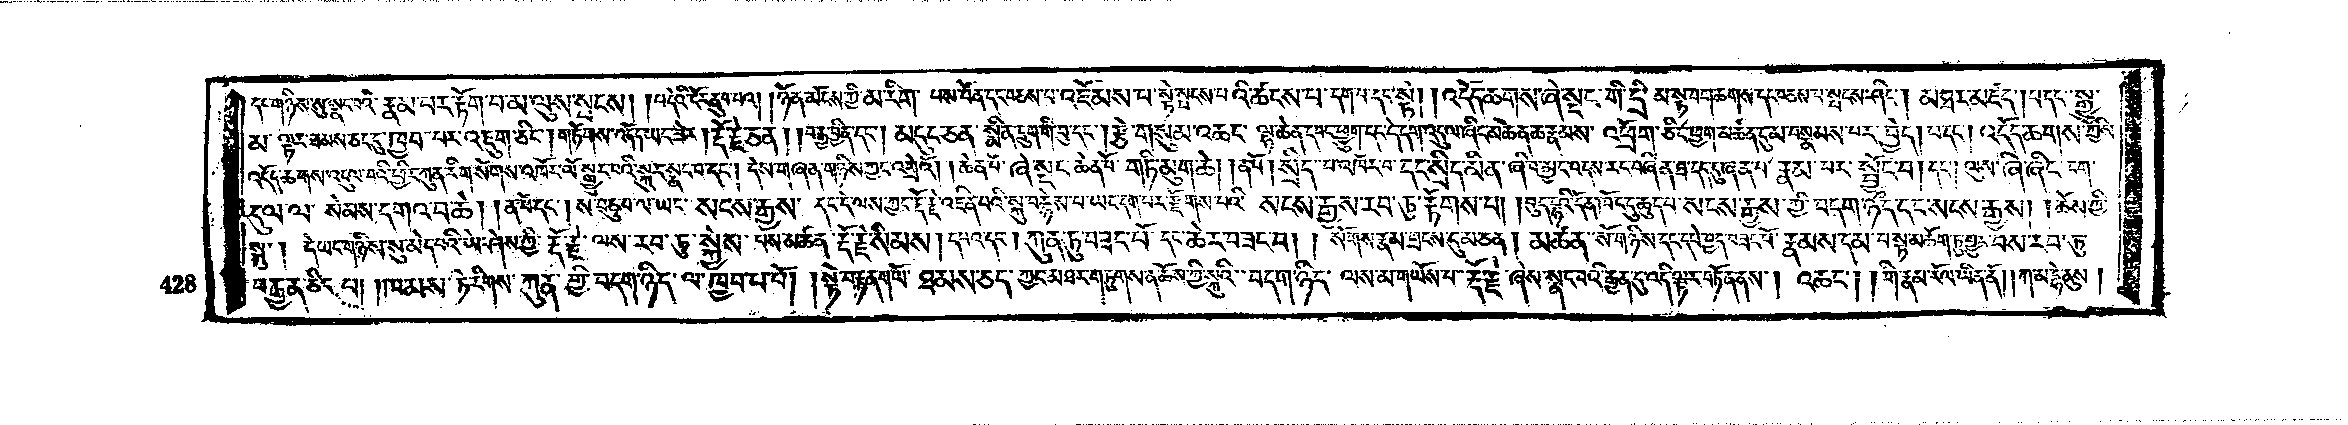དང་གཉིས་སུ་སྣང་བའི་རྣམ་པར་རྟོག་པ་མ་ལུས་སྤངས། །པ་དེའི་ངོར་ནུབ་པའོ། །ཉོན་མོངས་ཀྱི་མ་རིག་པ་ས་བོན་དང་བཅས་པ་འཇོམས་པ་སྟེ་སྤངས་པའི་ཚངས་པ་དག་པ་དང་སྟེ།  །འདོད་ཆགས་ཞེ་སྡང་གི་དྲི་མ་སྟ་བག་ཆགས་དང་བཅས་པ་སྤངས་ཤིང་།  མཐར་མཛད། པ་དང་སྒྱུ་
མ་ལྟར་ཐམས་ཅད་དུ་ཁྱབ་པར་འཇུག་ཅིང་། གཏོགས་འདོད་ཡང་ཟེར།  རྡོ་རྗེ་ཅན། །བརྒྱ་བྱིན་དང་།  མདུང་ཅན་སྨིན་དྲུག་གི་བུ་དང་།  རྩེ་གསུམ་འཆང་ལྷ་ཆེན་དབང་ཕྱུག་དང་དེ་དག་འདུལ་ཞིང་མཚོན་ཆ་རྣམས་འཕྲོག་ཅིང་ཕྱག་མཚན་དུ་མ་བསྣམས་པར་བྱེད། པ་དང་།  འདོད་ཆགས་ཀྱིས་
འདོད་ཆགས་འདུལ་བའི་ཕྱིར་ཀུན་རིག་སོགས་འཁོར་ལོ་སྐྱུར་བའི་སྐུར་སྣང་བ་དང་། དེས་བཞན་གཉིས་ཀྱང་འགྲོའོ། །ཆེན་པོ་ཞེ་སྡང་ཆེན་པོ་གཏི་མུག་ཆེ། །ན་པོ།  སྲིད་པ་འཁོར་བ་དང་དྲིད་མིན་ཞི་བ་མྱང་འདས་རང་བཞིན་ཐ་དད་དུ་ཞན་པ་རྣམ་པར་སྦྱོང་བ། དང་། ལུས་ཞི་ཞིང་ངག
དུལ་ལ་སེམས་དགའ་བ་ཆེ། །ན་པོ་དང་། ས་བཅུ་པ་ལ་ཡང་སངས་རྒྱས་དང་དེ་ལས་ཀྱང་རྡོ་རྗེ་འཛིན་པའི་སྐུ་བརྙེས་པ་ཡང་དག་པར་རྫོགས་པའི་སངས་རྒྱས་རབ་ཏུ་རྟོགས་པ། །བུད་དྷའི་དོན་ཁོང་དུ་ཆུད་པ་སངས་རྒྱས་ཀྱི་བདག་ཉིད་དང་སངས་རྒྱས། ཆོས་ཀྱི་
སྐུ། དེ་ཡང་གཉིས་སུ་མེད་པའི་ཡེ་ཤེས་ཀྱི་རྡོ་རྗེ་ལས་རབ་ཏུ་སྐྱེས་པས་མཚན་རྡོ་རྗེ་སེམས། དཔའ་དང་།  ཀུན་ཏུ་བཟང་པོ་དང་ཆེར་བཟང་བ། །སོགས་རྣམ་གྲངས་དུ་མ་ཅན།  མཚན་སོ་གཉིས་དང་དཔེ་བྱད་བཟང་པོ་རྣམས་དམ་པ་སྟེ་མཆོག་ཏུ་གྱུར་བས་རབ་ཏུ་
བརྒྱན་ཅིང་པ། །ཁམས་ཏེ་རིགས་ཀུན་གྱི་བདག་ཉིད་ལ་ཁྱབ་པ་པོ། །སྟེ་བ་རྟན་གཡོ་ཐམས་ཅད་ཀྱང་མཐར་གཏུགས་ན་ཆོས་ཀྱི་སྐུའི་བདག་ཉིད་ལས་མ་གཡོས་པ་རྡོ་རྗེ་ཞས་སྣང་བའི་རྒྱན་དུ་འདི་ལྟར་བཏོན་ནས།  འཆང་། །གི་རྣམ་རོལ་ཡིན་ནོ། །ཀ་མ་དྷེ་ནུས།